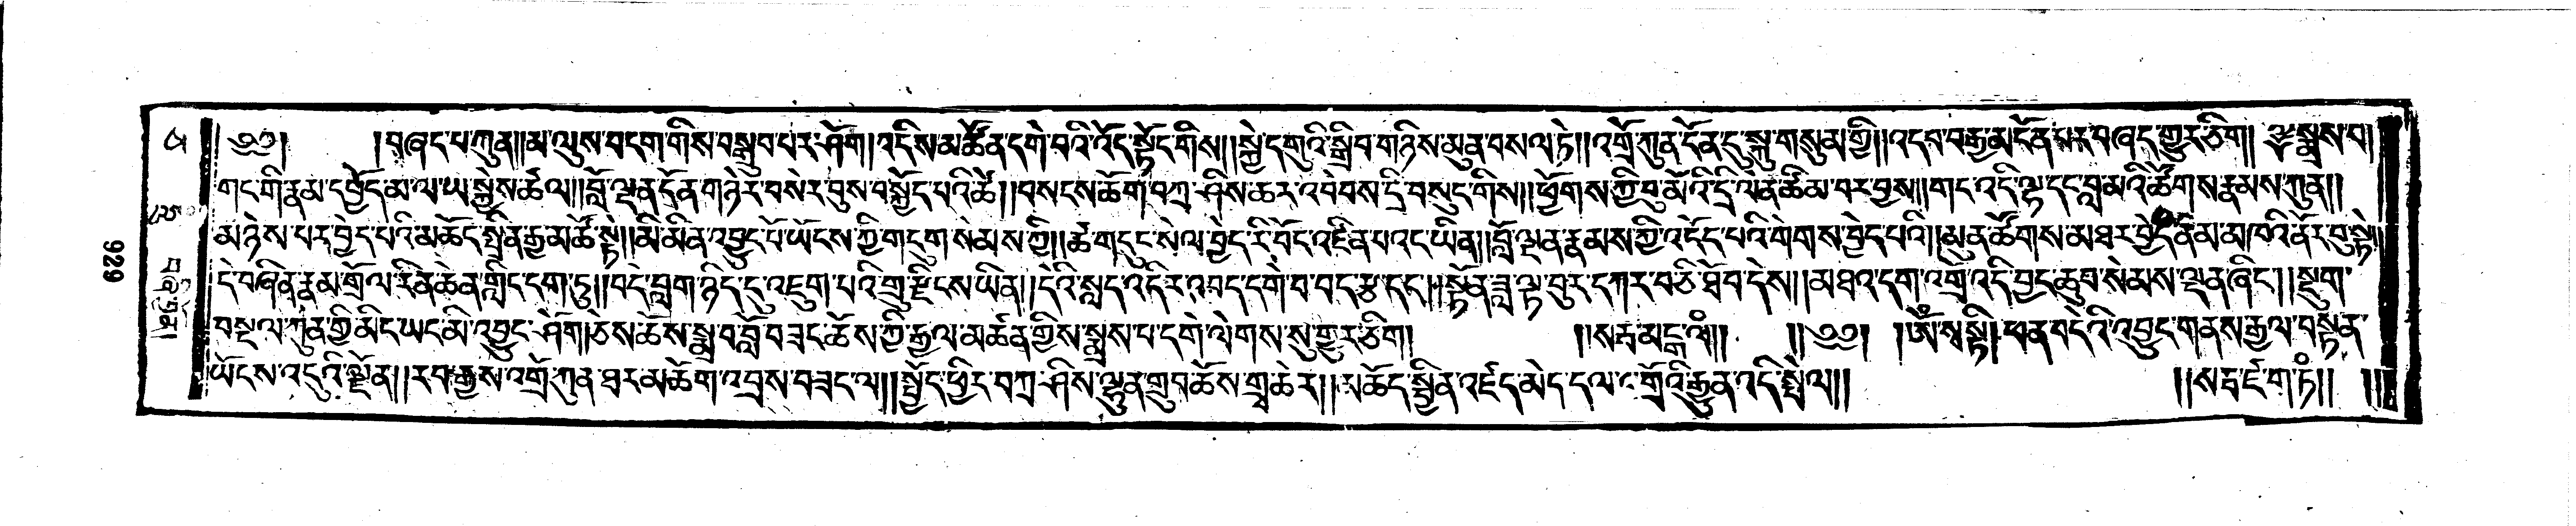༄༅། །བཞེད་པ་ཀུན། །མ་ལུས་བདག་གིས་བསྒྲུབ་པར་ཤོག །འདིས་མཚོན་དགེ་བའི་འོད་སྟོང་གིས། །སྐྱེ་དགུའི་སྒྲིབ་གཉིས་མུན་བསལ་ཏེ། །འགྲོ་ཀུན་དོན་དུ་སྐུ་གསུམ་གྱི། །འདབ་བརྒྱ་མངོན་པར་བཞད་གྱུར་ཅིག །༈ སྨྲས་པ།
གང་གི་རྣམ་དཔྱོད་མ་ལ་ཡ་སྐྱེས་ཚལ། །བློ་ལྡན་དོན་གཉེར་བསེར་བུས་བསྐྱོད་པའི་ཚེ། །བསངས་ཆོག་བཀྲ་ཤིས་ཆར་འབེབས་དྲི་བསུང་གིས། །ཕྱོགས་ཀྱི་བུ་མོའི་དྲི་ལེན་ཚིམ་པར་བྱས། །གང་འདི་ལྷ་དང་བླ་མའི་ཚོགས་རྣམས་ཀུན། །
མཉེས་པར་བྱེད་པའི་མཆོད་སྤྲིན་རྒྱ་མཚོ་སྟེ། །མི་མིན་འབྱུང་པོ་ཡོངས་ཀྱི་གདུག་སེམས་ཀྱི། །ཚ་གདུང་སེལ་བྱེད་རི་བོང་འཛིན་པའང་ཡིན། །བློ་ལྡན་རྣམས་ཀྱི་འདོད་པའི་གེགས་བྱེད་པའི། །མུན་ཚོགས་མཐར་བྱེད་ནམ་མཁའི་ནོར་བུ་སྟེ། །
དེ་བཞིན་རྣམ་གྲོལ་རིན་ཆེན་གླིང་དག་ཏུ། །བདེ་བླག་ཉིད་དུ་འཇུག་པའི་གྲུ་རྫིངས་ཡིན། །དེའི་སླད་འདིར་འབད་དགེ་བ་པད་རྩ་དང་། །སྟོན་ཟླ་ལྟ་བུར་དཀར་བ་ཅི་ཐོབ་དེས། །མཐའ་དག་འགྲོ་འདི་བྱང་ཆུབ་སེམས་ལྡན་ཞིང་། །སྡུག་
བསྔལ་ཀུན་གྱི་མིང་ཡང་མི་འབྱུང་ཤོག །ཅེས་ཆོས་སྨྲ་བ་བློ་བཟང་ཆོས་ཀྱི་རྒྱལ་མཚན་གྱིས་སྨྲས་པ་དགེ་ལེགས་སུ་གྱུར་ཅིག ། །།སརྦ་མངྒ་ལཾ།། །།༄༅། །ཨོཾ་སྭསྟི། ཕན་བདེའི་འབྱུང་གནས་རྒྱལ་བསྟན་
ཡོངས་འདུའི་ལྗོན། །རབ་རྒྱས་འགྲོ་ཀུན་ཐར་མཆོག་འབྲས་བཟང་ལ། །སྤྱོད་ཕྱིར་བཀྲ་ཤིས་ལྷུན་གྲུབ་ཆོས་གྲྭ་ཆེར། །མཆོད་སྦྱིན་འཛད་མེད་དལ་འགྲོའི་རྒྱུན་འདི་སྤེལ།། །།སརྦ་ཛ་ག་ཏཾ།། །།